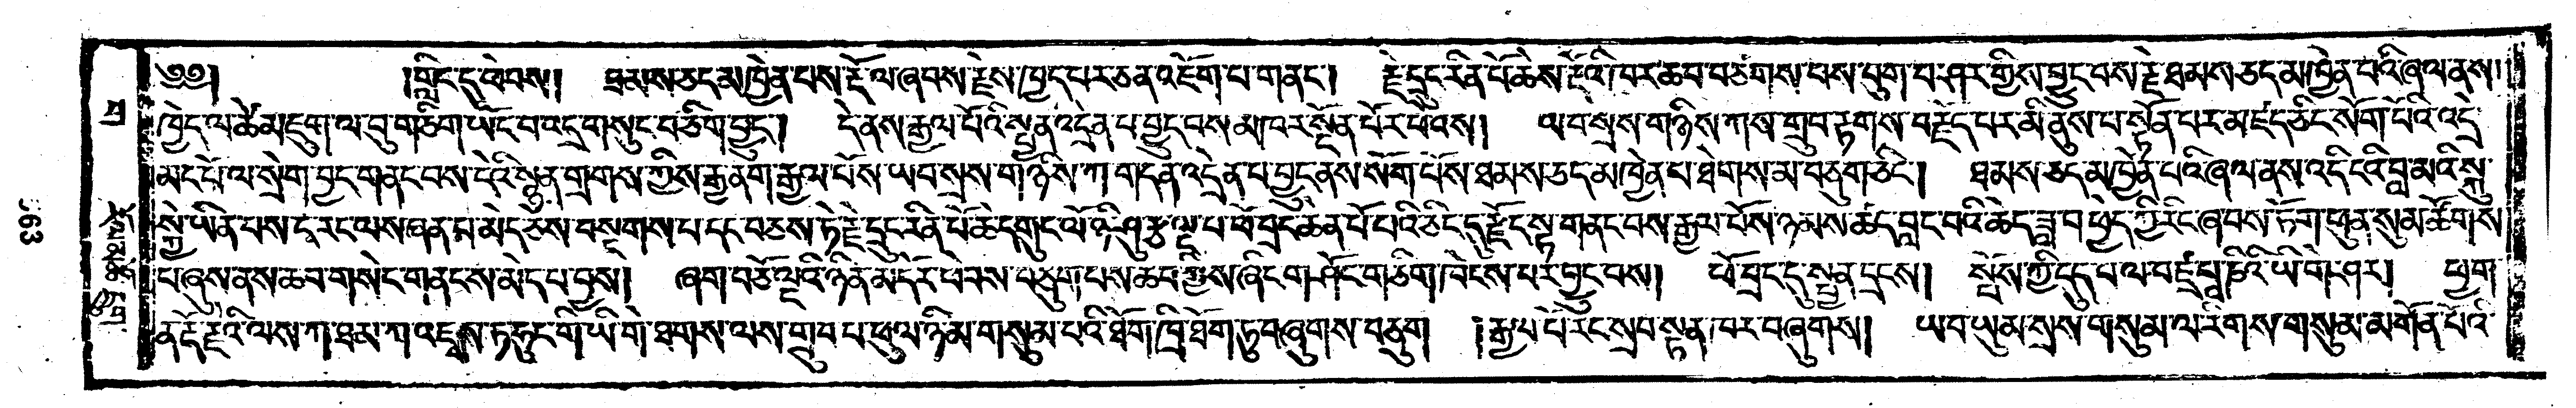༄༅། །གླིང་དུ་ཕེབས། ཐམས་ཅད་མཁྱེན་པས་རྡོ་ལ་ཞབས་རྗེས་ཁྱད་པར་ཅན་འཇོག་པ་གནང་། རྗེ་དྲུང་རིན་པོ་ཆེས་རྡོའི་ཁར་ཆབ་བཙགས་པས་བུག་པ་ཤར་གྱིས་བྱུང་བས་རྗེ་ཐམས་ཅད་མཁྱེན་པའི་ཞལ་ནས།།
ཁྱེད་ལ་ཚེ་མཇུག་ལ་བུ་གཅིག་ཡོང་བ་འདྲ་གསུང་བ་ཅིག་བྱུང་། དེ་ནས་རྒྱལ་པོའི་སྤྱན་འདྲེན་པ་བྱུང་བས་མཁར་སྔོན་པོར་ཕེབས། ཡབ་སྲས་གཉིས་ཀས་གྲུབ་རྟགས་བརྗོད་པར་མི་ནུས་པ་སྟོན་པར་མཛད་ཅིང་སོག་པོའི་འདྲེ་
མང་པོ་ལ་སྲེག་བྱང་གནང་བས་དེའི་སྙན་གྲགས་ཀྱིས་རྒྱ་ནག་རྒྱལ་པོས་ཡབ་སྲས་གཉིས་ཀ་གདན་འདྲེན་པ་བྱུང་ནས་སོག་པོས་ཐམས་ཅད་མཁྱེན་པ་ཐེགས་མ་བཅུག་ཅིང་། ཐམས་ཅད་མཁྱེན་པའི་ཞལ་ནས་འདི་ངའི་བླ་མའི་སྐུ་
སྐྱེ་ཡིན་པས་ང་རང་ལས་ཞན་པ་མེད་ཅེས་བསྔགས་པ་དང་བཅས་ཏེ་རྗེ་དྲུང་རིན་པོ་ཆེ་དགུང་ལོ་ཉི་ཤུ་རྩ་ལྔ་པ་ཕོ་བྲང་ཆེན་པོ་པའི་ཅིང་དུ་རྫོང་སྟ་གནང་བས་རྒྱལ་པོས་ཉམས་ཚད་བླང་བའི་ཆེད་བླང་བའི་ཆེད་ཟླ་བ་ཕྱེད་ཀྱི་རིང་ཞབས་ཏོག་ཕུན་སུམ་ཚོགས་
པ་ཞུས་ནས་ཆབ་གསེང་གནང་ས་མེད་པ་བྱས། ཞག་བཅོ་ལྔའི་ཉིན་མདོར་ཕེབས་བཅུག་པས་ཆབ་ཀྱིས་ཞིང་གཤོང་གཅིག་ཁེངས་པར་བྱུང་བས། ཕོ་བྲང་དུ་སྤྱན་དྲངས། སྤོས་ཀྱི་དུད་པ་ལ་བཛྲ་པཱ་ཎིའི་ཡི་གེ་ཤར། ཕྱག་
ན་རྡོ་རྗེའི་ལས་ཀ་ཐམ་ཀ་འཇྭས་ཏ་ཧུང་གི་ཡི་གེ་ཐགས་ལས་གྲུབ་པ་ཕུལ་ཉི་མ་གསུམ་པའི་ཐོག་ཁྲི་ཐོག་ཏུ་བཞུགས་བཅུག །རྒྱལ་པ་པོ་རང་སྲབ་སྟན་ཁར་བཞུགས། ཡབ་ཡུམ་སྲས་གསུམ་ལ་རིགས་གསུམ་མགོན་པོའི་